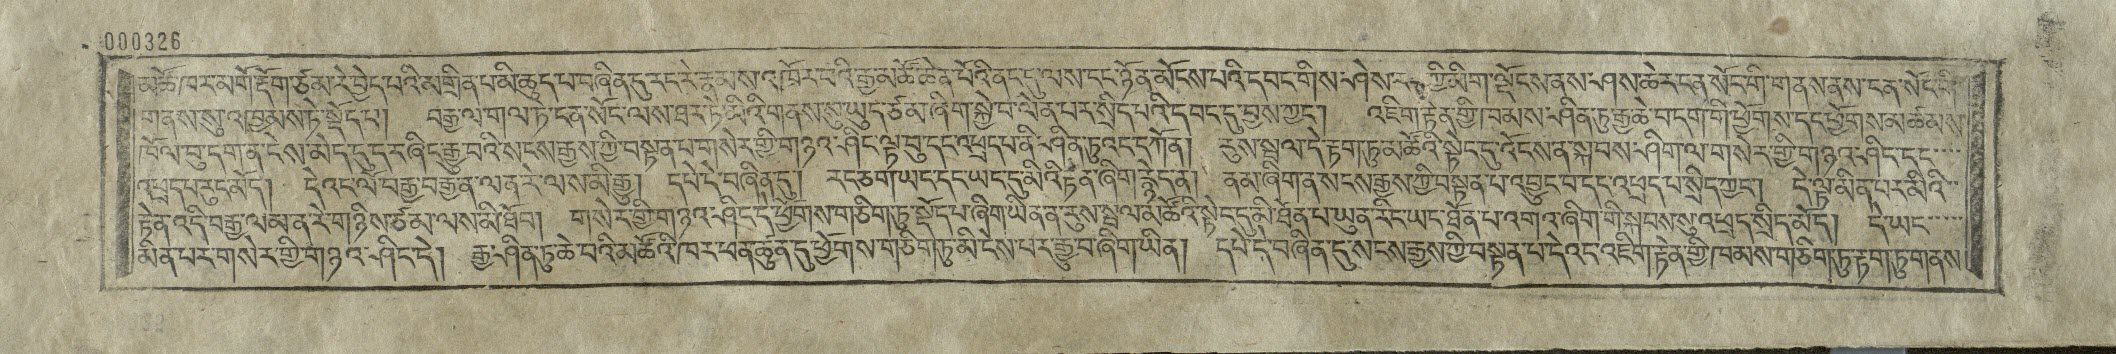མཚོ་ཁར་མགོ་རྡོག་ཙམ་རེ་བྱེད་པའི་མགྲིན་པ་མི་ཆུད་པ་བཞིན་དུ་རང་རེ་རྣམས་འཁོར་བའི་རྒྱ་མཚོ་ཆེན་པོའི་ནང་དུ་ལས་དང་ཉོན་མོངས་པའི་དབང་གིས་ཤེས་རབ་ཀྱི་མིག་ལྡོངས་ནས་ཤས་ཆེར་ངན་སོང་གི་གནས་ནས་ངན་སོང་གི་
གནས་སུ་འཁྱམས་ཏེ་སྡོད་པ། བརྒྱ་ལ་གལ་ཏེ་ངན་སོང་ལས་ཐར་ཏེ་མིའི་གནས་སུ་ཡུད་ཙམ་ཞིག་སྐྱེ་བ་ལེན་པར་སྲིད་པའི་དབང་དུ་བྱས་ཀྱང་། འཇིག་རྟེན་གྱི་ཁམས་ཤིན་ཏུ་རྒྱ་ཆེ་བ་དག་གི་ཕྱོགས་དང་ཕྱོགས་མཚམས་
ཁོལ་བུ་དག་ན་ངེས་མེད་དུ་དར་ཞིང་རྒྱུ་བའི་སངས་རྒྱས་ཀྱི་བསྟན་པ་གསེར་གྱི་གཉའ་ཤིང་ལྟ་བུ་དང་འཕྲད་པ་ནི་ཤིན་ཏུའང་དཀོན། རུས་སྦལ་དེ་རྟག་ཏུ་མཚོའི་སྟེང་དུ་འོངས་ན་སྐབས་ཤིག་ལ་གསེར་གྱི་གཉའ་ཤིང་དང་
འཕྲད་པ་རུང་མོད། དེའང་ལོ་བརྒྱ་བརྒྱ་ན་ལན་རེ་ལས་མི་རྒྱུ། དཔེ་དེ་བཞིན་དུ། རང་ཅག་ཡང་དང་ཡང་དུ་མིའི་རྟེན་ཞིག་རྙེད་ན། ནམ་ཞིག་ན་སངས་རྒྱས་ཀྱི་བསྟན་པ་འབྱུང་བ་དང་འཕྲད་པ་སྲིད་ཀྱང་། དེ་ལྟ་མིན་པར་མིའི་
རྟེན་འདི་བརྒྱ་ལམ་ན་རེ་གཉིས་ཙམ་ལས་མི་ཐོབ། གསེར་གྱི་གཉའ་ཤིང་དེ་ཕྱོགས་གཅིག་ཏུ་སྡོད་པ་ཞིག་ཡིན་ན་རུས་སྦལ་མཚོའི་སྟེང་དུ་མི་ཐོན་པ་ཡུན་རིང་ཡང་ཐོན་པ་འགའ་ཞིག་གི་སྐབས་སུ་འཕྲད་སྲིད་མོད། དེ་ཡང་
མིན་པར་གསེར་གྱི་གཉའ་ཤིང་དེ། རྒྱ་ཤིན་ཏུ་ཆེ་བའི་མཚོའི་ཁར་ཕན་ཚུན་དུ་ཕྱོགས་གཅིག་ཏུ་མི་ངེས་པར་རྒྱུ་བ་ཞིག་ཡིན། དཔེ་དེ་བཞིན་དུ་སངས་རྒྱས་ཀྱི་བསྟན་པ་དེའང་འཇིག་རྟེན་གྱི་ཁམས་གཅིག་ཏུ་རྟག་ཏུ་གནས་